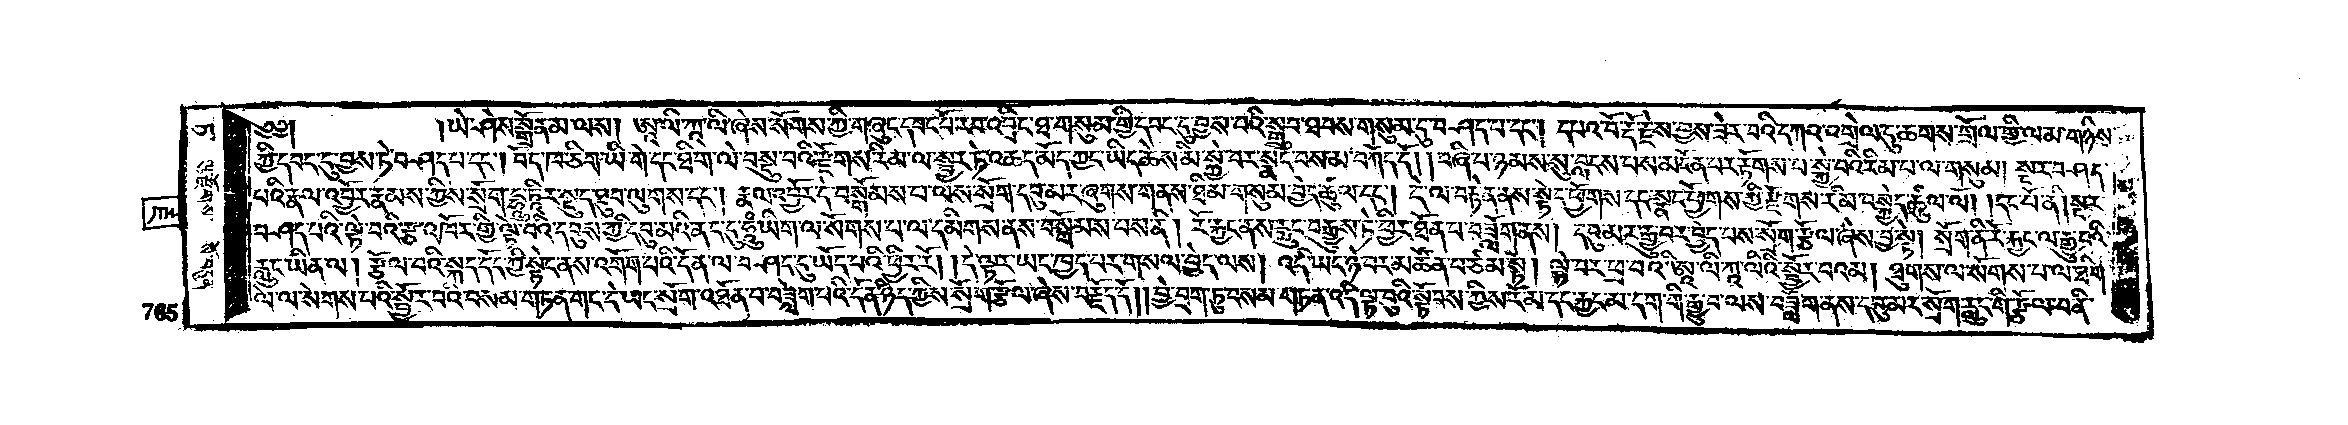༄༅། །ཡེ་ཤེས་སྒྲོན་མ་ལས། ཨཱ་ལི་ཀཱ་ལི་ཞེས་སོགས་ཀྱི་གཞུང་དབང་པོ་རབ་འབྲིང་ཐ་གསུམ་གྱི་དབང་དུ་བྱས་པའི་སྒྲུབ་ཐབས་གསུམ་དུ་བཤད་པ་དང་། དཔའ་བོ་རྡོ་རྗེས་བྱས་ཟེར་བའི་དཀའ་འགྲེལ་དུ་ཆགས་གྲོལ་གྱི་ལམ་གཉིས་
ཀྱི་དབང་དུ་བྱས་ཏེ་བཤད་པ་དང་། བོད་ཁ་ཅིག་ཡི་གེ་དང་ཐིག་ལེ་བསྡུ་བའི་རྫོགས་རིམ་ལ་སྦྱར་ཏེ་འཆད་མོད་ཀྱང་ཡིད་ཆེས་མི་སྐྱེ་བར་སྣང་བས་མ་བཀོད་དོ། །བཞི་པ་ཉམས་སུ་བླངས་པས་མངོན་པར་རྟོགས་པ་སྐྱེ་བའི་རིམ་པ་ལ་གསུམ། སྔར་བཤད་
པའི་རྣལ་འབྱོར་རྣམས་ཀྱིས་སྲོག་དྷཱུ་ཏཱིར་སྡུད་ཐུབ་ལུགས་དང་། རྣལ་འབྱོར་དེ་བསྒོམས་པ་ལས་སྲོག་དབུ་མར་ཞུགས་གནས་ཐིམ་གསུམ་བྱེད་ཚུལ་དང་། དེ་ལ་བརྟེན་ནས་སྟོང་ཕྱོགས་དང་སྣང་ཕྱོགས་ཀྱི་རྫོགས་རིམ་བསྐྱེད་ཚུལ་ལོ། །དང་པོ་ནི། སྔར་
བཤད་པའི་ལྟེ་བའི་རྩ་འཁོར་གྱི་ལྟེ་བའི་དབུས་ཀྱི་དབུ་མའི་ནང་དུ་ཧཱུཾ་ཡིག་ལ་སོགས་པ་ལ་དམིགས་ནས་བསྒོམས་པས་ནི། རོ་རྐྱང་ནས་རླུང་བརྒྱུས་ཏེ་ཕྱིར་ཐོན་པ་བཟློག་ནས། དབུ་མར་རྒྱུ་བར་བྱེད་པས་སྲོག་རྩོལ་ཞེས་བྱ་སྟེ། སྲོག་ནི་རོ་རྐྱང་ལ་རྒྱུ་བའི་
རླུང་ཡིན་ལ། རྩོལ་བའི་སྐད་དོད་ཀྱི་སྟེང་ནས་འགོག་པའི་དོན་ལ་བཤད་དུ་ཡོད་པའི་ཕྱིར་རོ། །ད་ལྟར་ཡང་ཁྱད་པར་གསལ་བྱེད་ལས། འདི་ཡང་ཉེ་བར་མཚོན་པ་ཙམ་སྟེ། ལྟེ་བར་ཕྲ་བའི་ཨཱ་ལི་ཀཱ་ལིའི་སྦྱོར་བའམ། ཐུགས་ལ་སོགས་པ་ལ་ཐིག་
ལེ་ལ་སོགས་པའི་སྦྱོར་བའི་བསམ་གཏན་གང་དེ་ཡང་སྲོག་འཐོན་པ་བཟློག་པའི་དོན་ཉིད་ཀྱིས་སྲོག་རྩོལ་ཞེས་བརྗོད་དོ། །བྱེ་བྲག་ཏུ་བསམ་གཏན་འདི་ལྟ་བུའི་སྟོབས་ཀྱིས་རོ་མ་དང་རྐྱང་མ་དག་གི་རྒྱུ་བ་ལས་བཟློག་ནས་དབུ་མར་སྲོག་རླུང་གི་རྩོལ་བ་ནི་